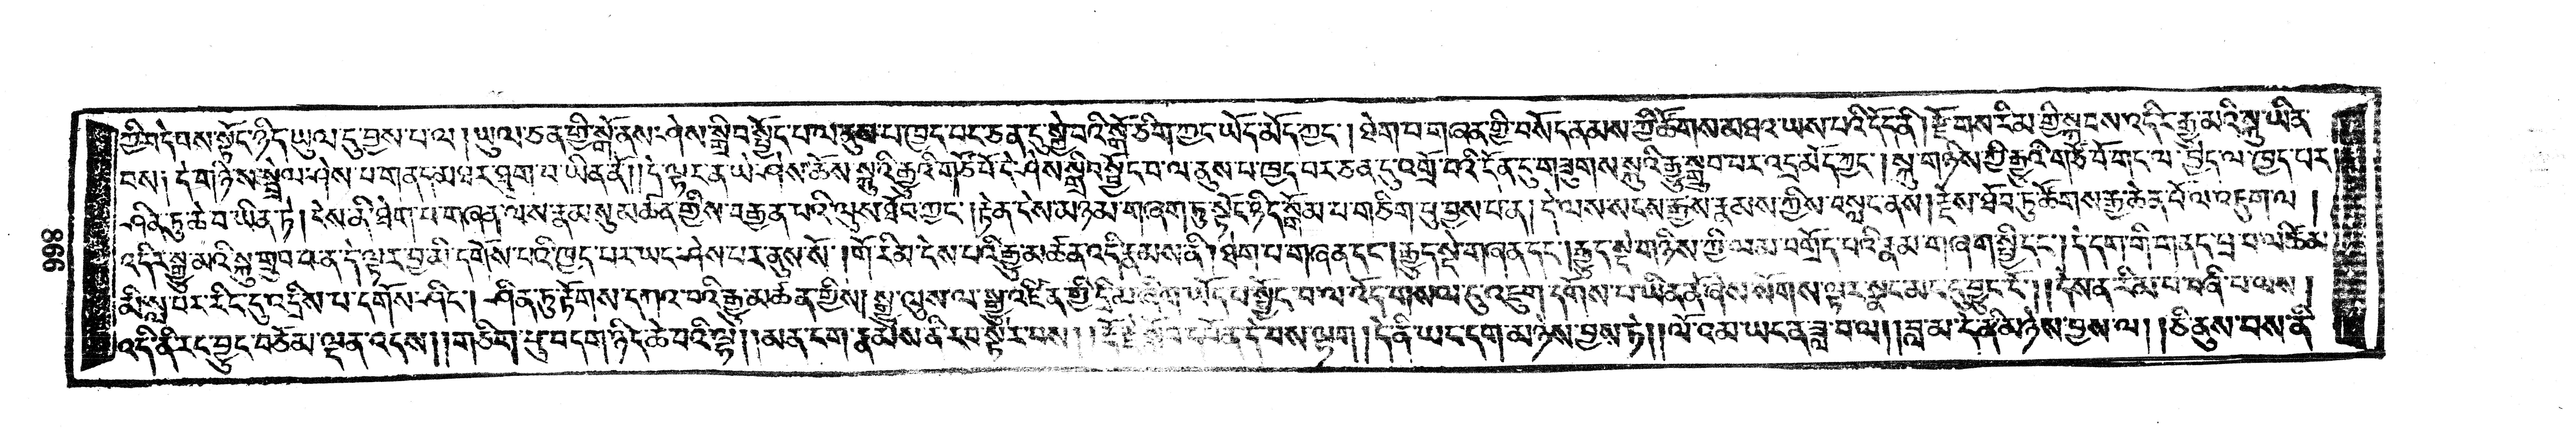ཀྱི་བདེ་བས་སྟོང་ཉིད་ཡུལ་དུ་བྱས་པ་ལ། ཡུལ་ཅན་གྱི་སྒོ་ནས་ཤེས་སྒྲིབ་སྤྱོད་པ་ལ་ནུས་པ་ཁྱད་པར་ཅན་དུ་སྐྱེ་བའི་སྒོ་ཅིག་ཀྱང་ཡོད་མོད་ཀྱང་། ཐེག་པ་གཞན་གྱི་བསོད་ནམས་ཀྱི་ཚོགས་མཐའ་ཡས་པའི་དོད་ནི། རྫོགས་རིམ་གྱི་སྐབས་འདིར་རྒྱུ་མའི་སྐུ་ཡིན་
བས། དེ་གཉིས་སྤྲེལ་ཤེས་པ་གནད་མཐར་ཐུག་པ་ཡིན་ནོ། །དེ་ལྟར་ན་ཡེ་ཤེས་ཆོས་སྐུའི་རྒྱུའི་གཙོ་བོ་དེ་ཤེས་སྒྲིབ་སྦྱོང་བ་ལ་ནུས་པ་ཁྱད་པར་ཅན་དུ་འགྲོ་བའི་དོན་དུ་གཟུགས་སྐུའི་རྒྱུ་སྒྲུབ་པར་འདྲ་མོད་ཀྱང་། སྐུ་གཉིས་ཀྱི་རྒྱུའི་གཙོ་བོ་གང་ལ་བྱེད་པ་ཁྱད་པར་
ཤིན་ཏུ་ཆེ་བ་ཡིན་ཏེ། དེས་ནི་ཐེག་པ་གཞན་ལས་རྣམས་སུ་མཚན་གྱིས་བརྒྱན་པའི་ལུས་ཐོབ་ཀྱང་། རྟེན་དེས་མཉམ་གཞག་ཏུ་སྟོང་ཉིད་སྒོམ་པ་གཅིག་པུ་བྱས་པ་ན། དེ་ལས་སངས་རྒྱས་རྣམས་ཀྱིས་བསླང་ནས། རྗེས་ཐོབ་ཏུ་ཚོགས་རྒྱ་ཆེན་པོ་ལ་འཇུག་ལ།
འདིར་སྒྱུ་མའི་སྐུ་གྲུབ་པ་ན་དེ་ལྟར་བྱ་མི་དགོས་པའི་ཁྱད་པར་ཡང་ཤེས་པར་ནུས་སོ། གོ་རིམ་ངེས་པའི་རྒྱུ་མཚན་འདི་རྣམས་ནི། ཐེག་པ་གཞན་དང་། རྒྱུད་སྡེ་གཞན་དང་། རྒྱུད་སྡེ་གཉིས་ཀྱི་ལམ་བགྲོད་པའི་རྣམ་གཞག་སྤྱི་དང་། དེ་དག་གི་གནད་ཕྲ་བ་ལ་ཚིམ་
མི་སླ་བར་རིང་དུ་འདྲིས་པ་དགོས་ཤིང་། ཤིན་ཏུ་རྟོགས་དཀའ་བའི་རྒྱུ་མཚན་གྱིས། སྒྱུ་ལུས་ལ་སྒྱུ་འཛིན་གྱི་དྲི་མ་ཞིག་ཡོད་པ་སྦྱོང་བ་ལ་འོད་གསལ་དུ་འཇུག་དགོས་པ་ཡིན་ནོ་ཞེས་སོགས་ལྟར་སྣང་མང་དུ་བྱུང་ངོ། །དེས་ན་རིམ་པ་བཞི་པ་ལས།
འདི་ནི་རང་བྱུང་བཅོམ་ལྡན་འདས། །གཅིག་པུ་བདག་ཉིད་ཆེ་བའི་ལྷ། །མན་ངག་རྣམས་ནི་རབ་སྟེར་བས། །རྡོ་རྗེ་སློབ་དཔོན་དེ་བས་ལྷག །དེ་ནི་ཡང་དག་མཉེས་བྱས་ཏེ། །ལོ་འམ་ཡང་ན་ཟླ་བ་ལ། །བླ་མ་དེ་ནི་མཉེས་བྱས་ལ། །ཅི་ནུས་པས་ནི་